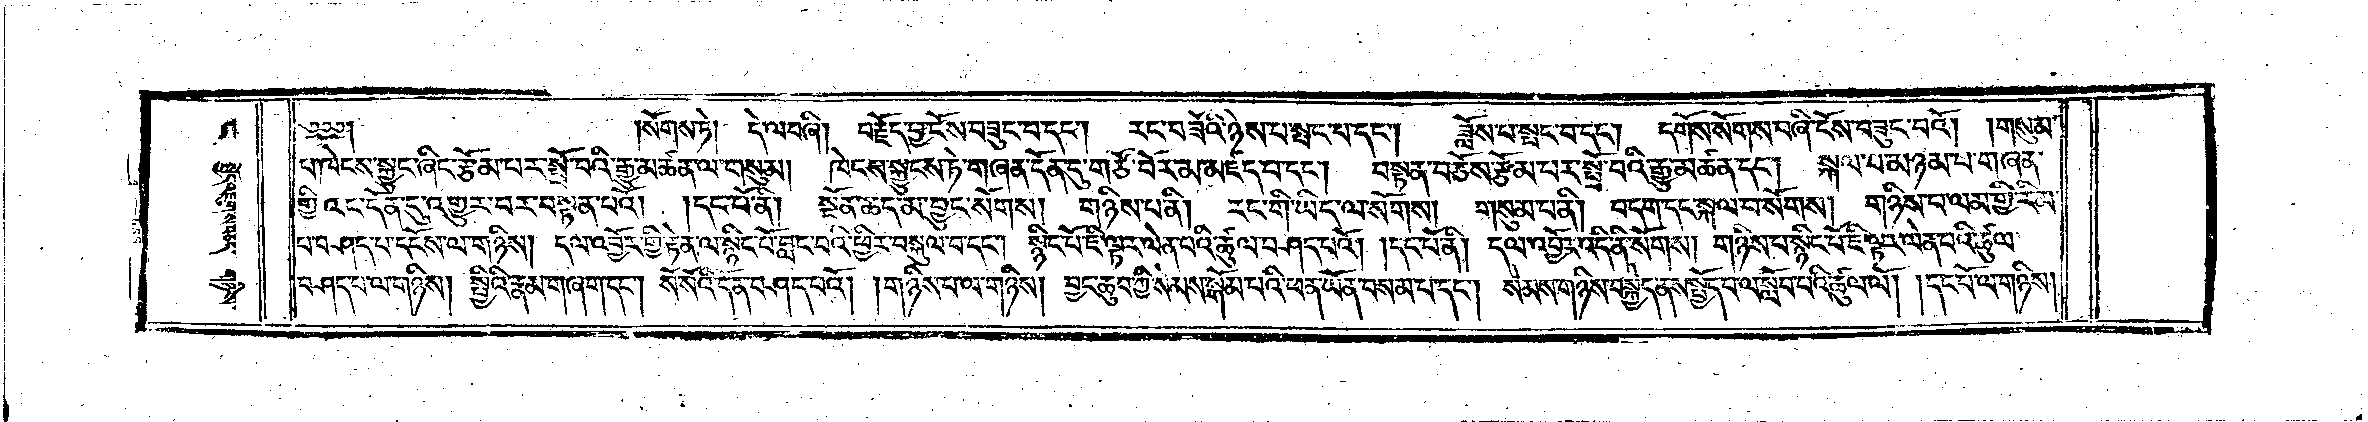༄༅། །སོགས་ཏེ། དེ་ལ་བཞི། བརྗོད་བྱ་ངོས་བཟུང་བ་དང་། རང་བཟོའི་ཉེས་པ་སྤང་བ་དང་། ཟློས་པ་སྤང་བ་དང་། དགོས་སོགས་བཞི་ངོས་བཟུང་བའོ། །གསུམ་
པ་ཁེངས་སྐྱུང་ཞིང་རྩོམ་པར་སྤྲོ་བའི་རྒྱུ་མཚན་ལ་གསུམ། ཁེངས་སྐྱུངས་ཏེ་གཞན་དོན་དུ་གཙོ་བོར་མ་མཛད་པ་དང་། བསྟན་བཅོས་རྩོམ་པར་སྤྲོ་བའི་རྒྱུ་མཚན་དང་། སྐལ་པ་མཉམ་པ་གཞན་
གྱིའང་དོན་དུ་འགྱུར་བར་བསྟན་པའོ། །དང་པོ་ནི། སྔོན་ཆད་མི་བྱུང་སོགས། གཉིས་པ་ནི། རང་གི་ཡིད་ལ་སོགས། གསུམ་པ་ནི། བདག་དང་སྐལ་བ་སོགས། གཉིས་པ་ལམ་གྱི་རིམ་
པ་བཤད་པ་དངོས་ལ་གཉིས། དལ་འབྱོར་གྱི་རྟེན་ལ་སྙིང་པོ་བླང་བའི་ཕྱིར་བསྐུལ་བ་དང་། སྙིང་པོ་ཇི་ལྟར་ལེན་པའི་ཚུལ་བཤད་པའོ། །དང་པོ་ནི། དལ་འབྱོར་འདི་ནི་སོགས། གཉིས་པ་སྙིང་པོ་ཇི་ལྟར་ལེན་པའི་ཚུལ་
བཤད་པ་ལ་གཉིས། སྤྱིའི་རྣམ་གཞག་དང་། སོ་སོའི་དོན་བཤད་པའོ། །གཉིས་པ་ལ་གཉིས། བྱང་ཆུབ་ཀྱི་སེམས་སྒོམ་པའི་ཕན་ཡོན་བསམ་པ་དང་། སེམས་གཉིས་བསྐྱེད་ནས་སྤྱོད་པ་ལ་སློབ་པའི་ཚུལ་ལོ། །དང་པོ་ལ་གཉིས།